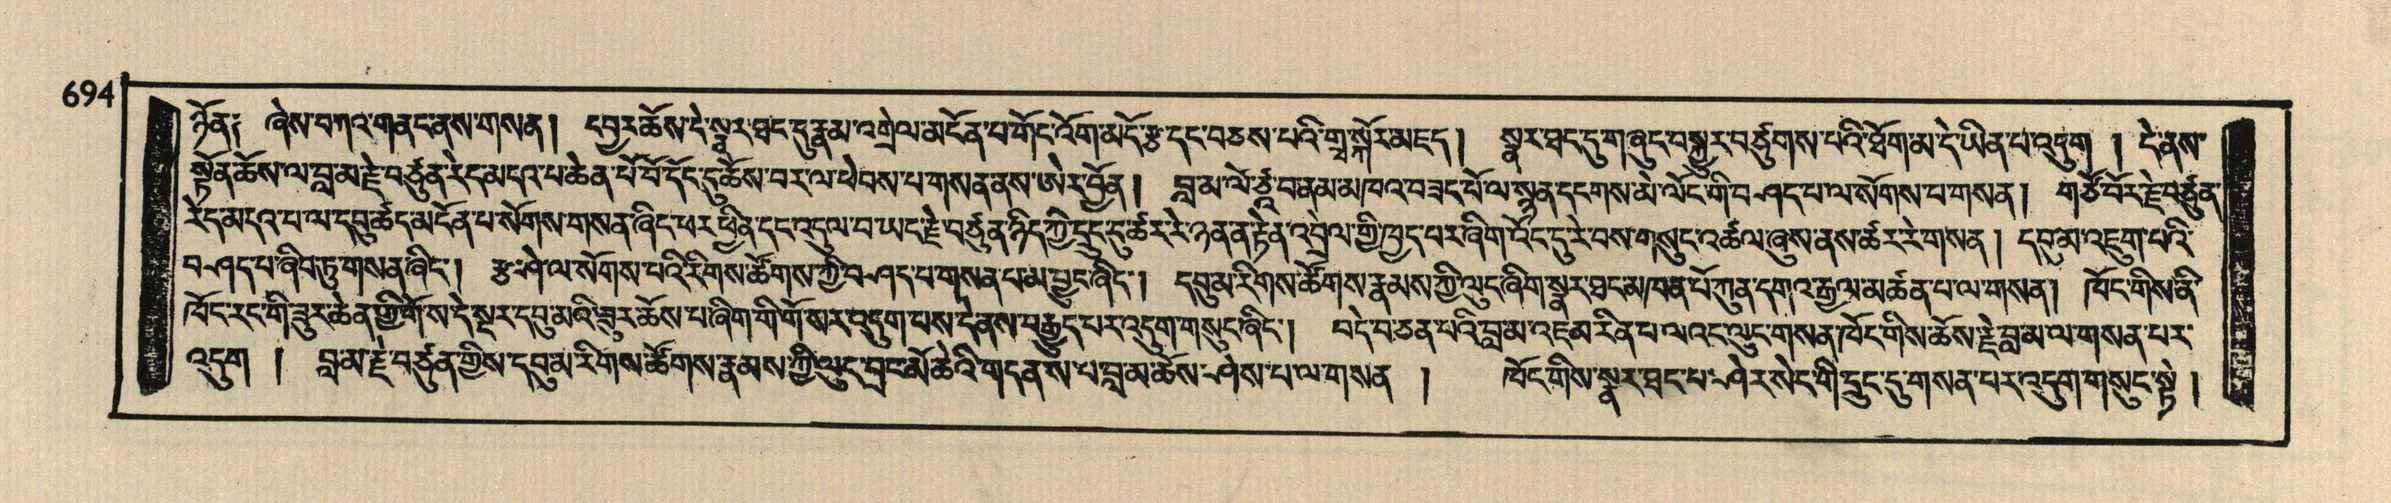ཉོན༑ ཞེས་བཀའ་གནང་ནས་གསན། དབྱར་ཆོས་དེ་སྣར་ཐང་དུ་རྣམ་འགྲེལ་མངོན་པ་གོང་འོག་མདོ་རྩ་དང་བཅས་པའི་གྲྭ་སྐོར་མཛད། སྣར་ཐང་དུ་གཞུང་བསྐྱུར་བཙུགས་པའི་ཐོག་མ་དེ་ཡིན་པ་འདུག། དེ་ནས་
སྟོན་ཆོས་ལ་བླ་མ་རྗེ་བཙུན་རེད་མདའ་པ་ཆེན་པོ་བོ་དོང་དུ་ཆོས་བར་ལ་ཕེབས་པ་གསན་ནས་ཨེར་བྱོན། བླ་མ་ལོ་ཙཱ་བ་ནམ་མཁའ་བཟང་པོ་ལ་སྙན་དངགས་མེ་ལོང་གི་བཤད་པ་ལ་སོགས་པ་གསན། གཙོ་བོར་རྗེ་བཙུན་
རེད་མདའ་པ་ལ་དབུ་ཚད་མངོན་པ་སོགས་གསན་ཞིང་ཕར་ཕྱིན་དང་འདུལ་བ་ཡང་རྗེ་བཙུན་ཉིད་ཀྱི་དྲུང་དུ་ཚར་རེ་ཉན་ན་རྟེན་འབྲེལ་གྱི་ཁྱད་པར་ཞིག་འོང་དུ་རེ་བས་གསུང་འཚལ་ཞུས་ནས་ཚར་རེ་གསན། དབུ་མ་འཇུག་པའི་
བཤད་པ་ཞིབ་ཏུ་གསན་ཞིང་། རྩ་ཤེ་ལ་སོགས་པའི་རིགས་ཚོགས་ཀྱི་བཤད་པ་གསན་པ་མ་བྱུང་ཞིང་། དབུ་མ་རིགས་ཚོགས་རྣམས་ཀྱི་ལུང་ཞིག་སྣར་ཐང་མཁན་པོ་ཀུན་དགའ་རྒྱལ་མཚན་པ་ལ་གསན། ཁོང་གིས་ནི་
ཁོང་རང་གི་ཟུར་ཆེན་གྱི་གོ་ས་དེ་སྔར་དབུ་མའི་ཟུར་ཆོས་པ་ཞིག་གི་གོ་སར་འདུག་པས་དེ་ནས་བརྒྱུད་པར་འདུག་གསུང་ཞིང་། བདེ་བ་ཅན་པའི་བླ་མ་འཇམ་རིན་པ་ལའང་ལུང་གསན་ཁོང་གིས་ཆོས་རྗེ་བླ་མ་ལ་གསན་པར་
འདུག། བླ་མ་རྗེ་བཙུན་གྱིས་དབུ་མ་རིགས་ཚོགས་རྣམས་ཀྱི་ལུང་བྲང་མོ་ཆེའི་གདན་ས་པ་བླ་མ་ཆོས་ཤེས་པ་ལ་གསན། ཁོང་གིས་སྣར་ཐང་པ་ཤེར་སེང་གི་དྲུང་དུ་གསན་པར་འདུག་གསུང་སྟེ།